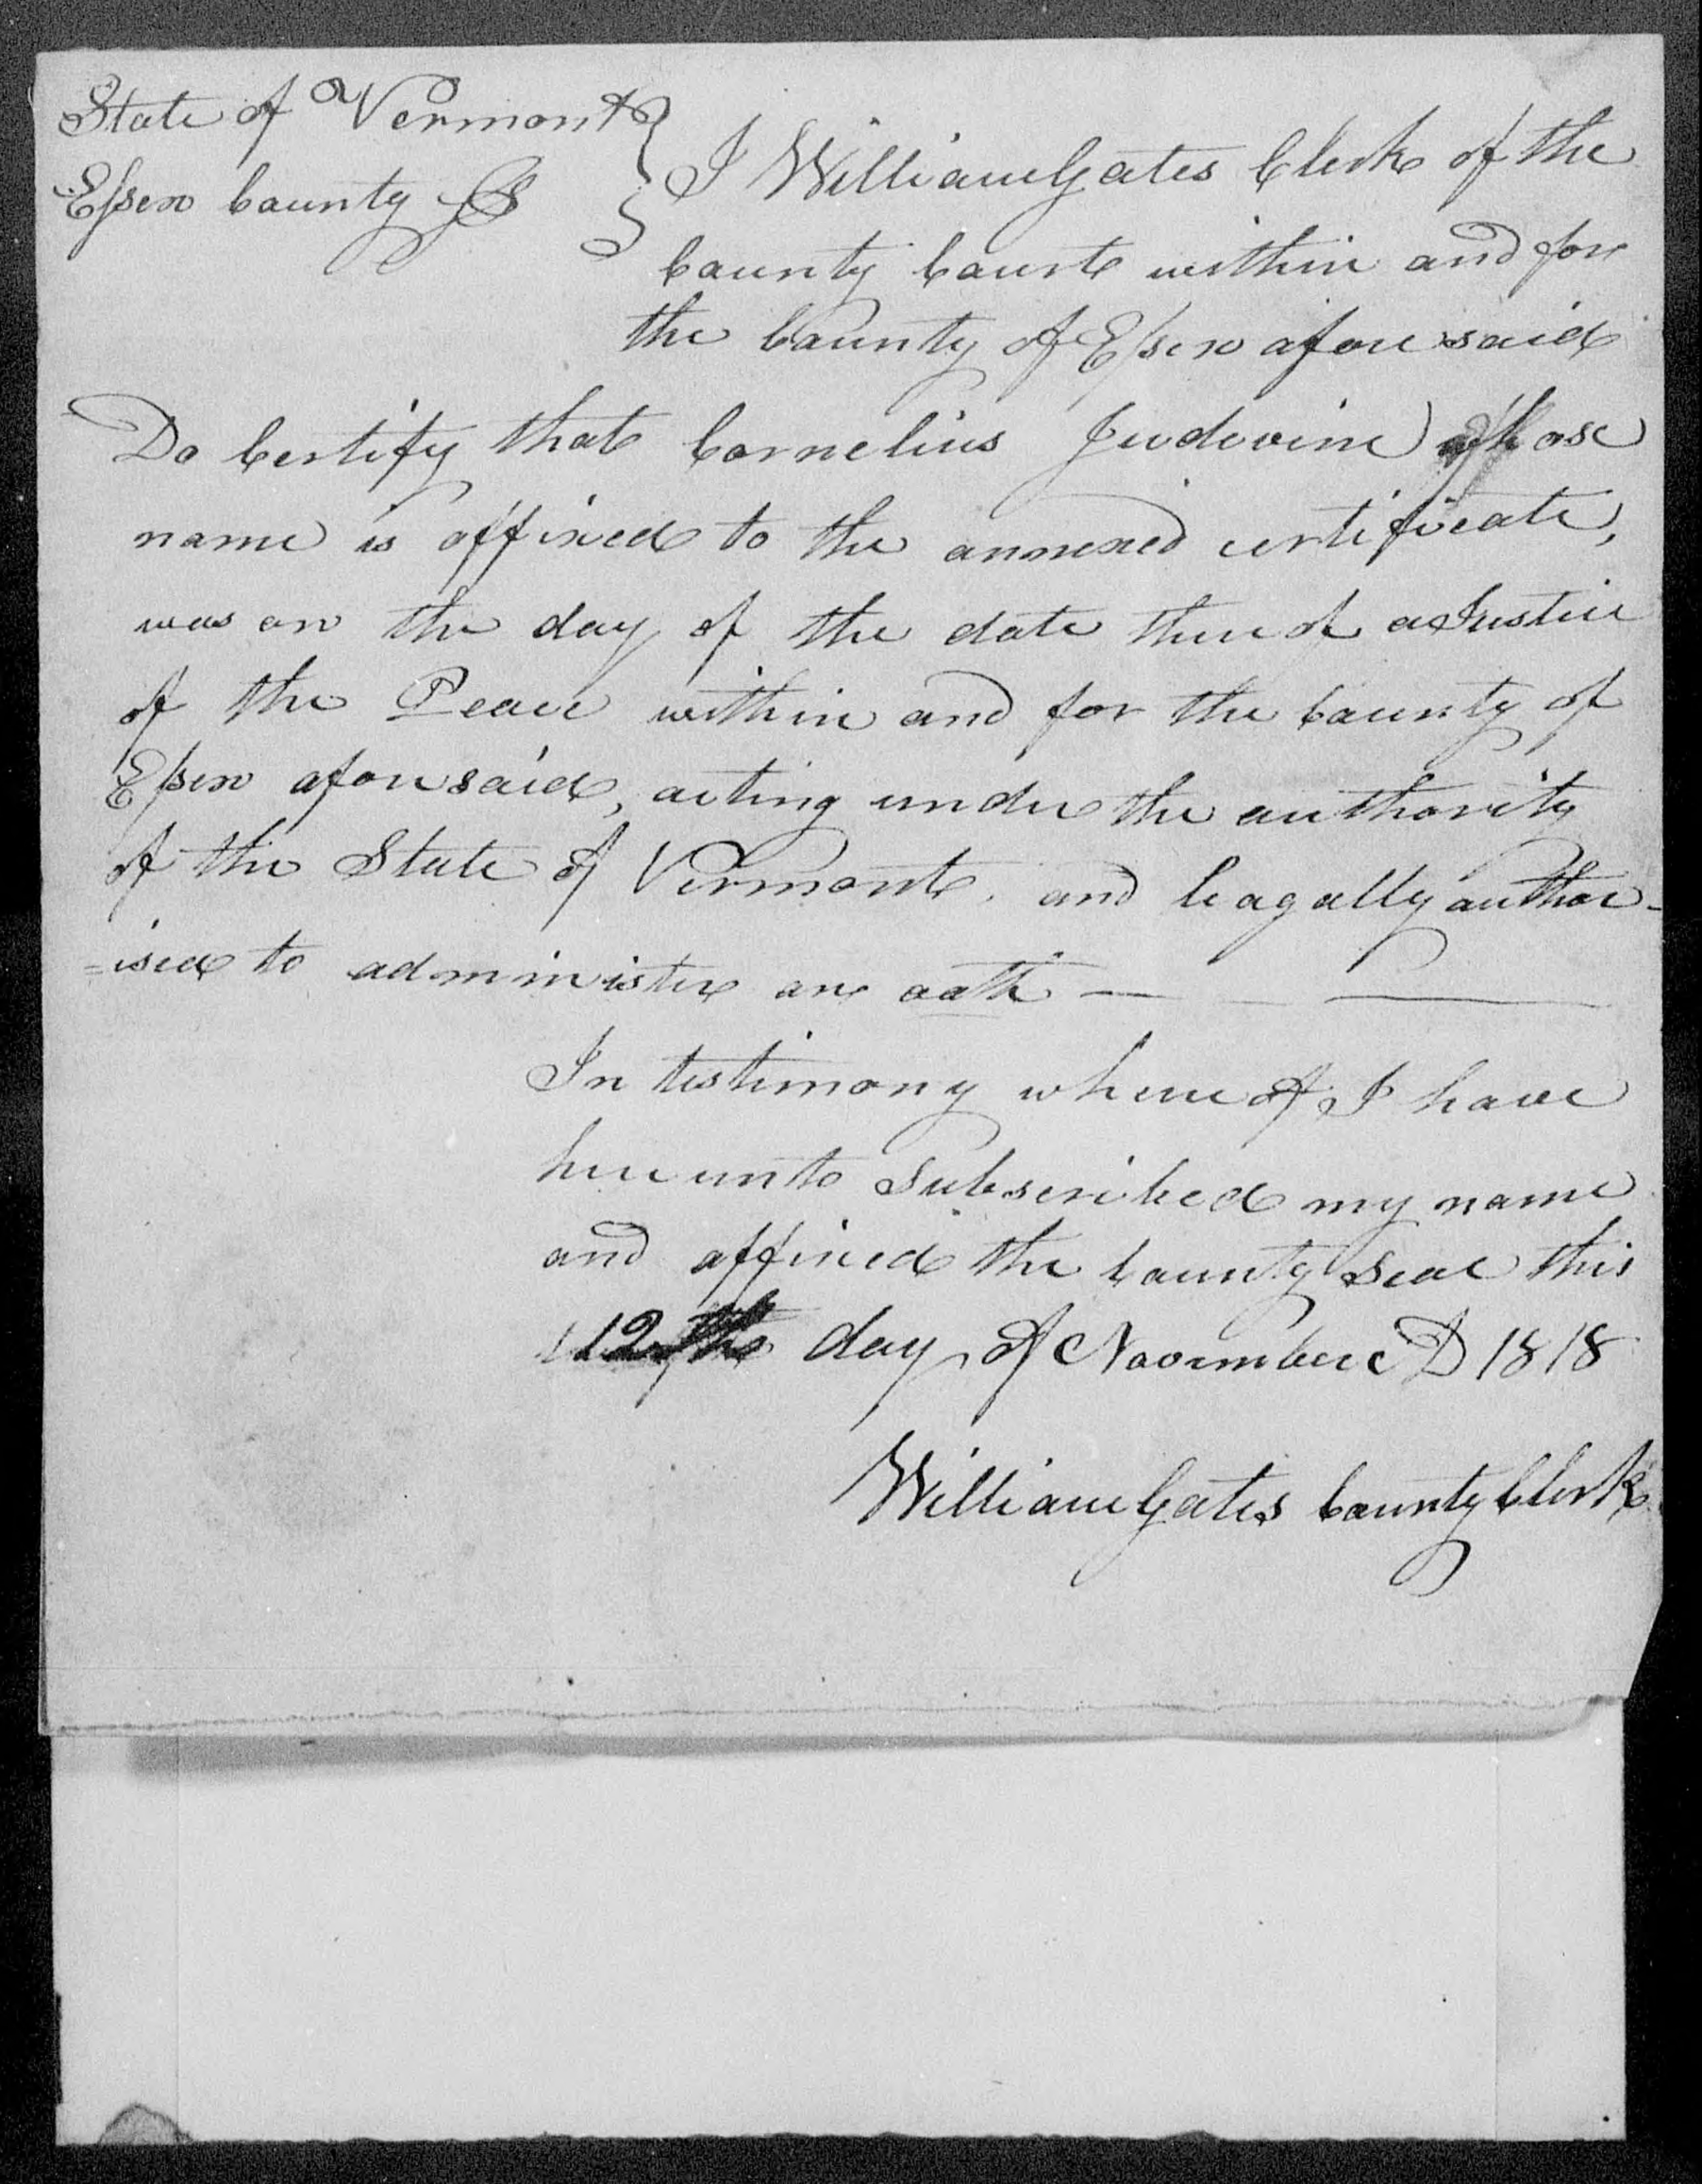State of Vermont}
Essex County ss} I William Gates Clerk of the
County Court within and for the County of Essex aforesaid Do certify that Cornelius Jeudevine whose name is affixed to the annexed certificate,
was on the day of the date thereof a Justice
of the Peace within and for the County of
Essex aforesaid, acting under the authority
of the State of Vermont, and legally authorised (authorized) to administer an oath-
In testimony whereof I have hereunto Subscribed my name and affixed the County Seal this 12th day of November AD 1818
William Gates County Clerk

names: William Gates, William Gates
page: 59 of 67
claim: widow's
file: W. 23772, James Campbell, Continental Mass.